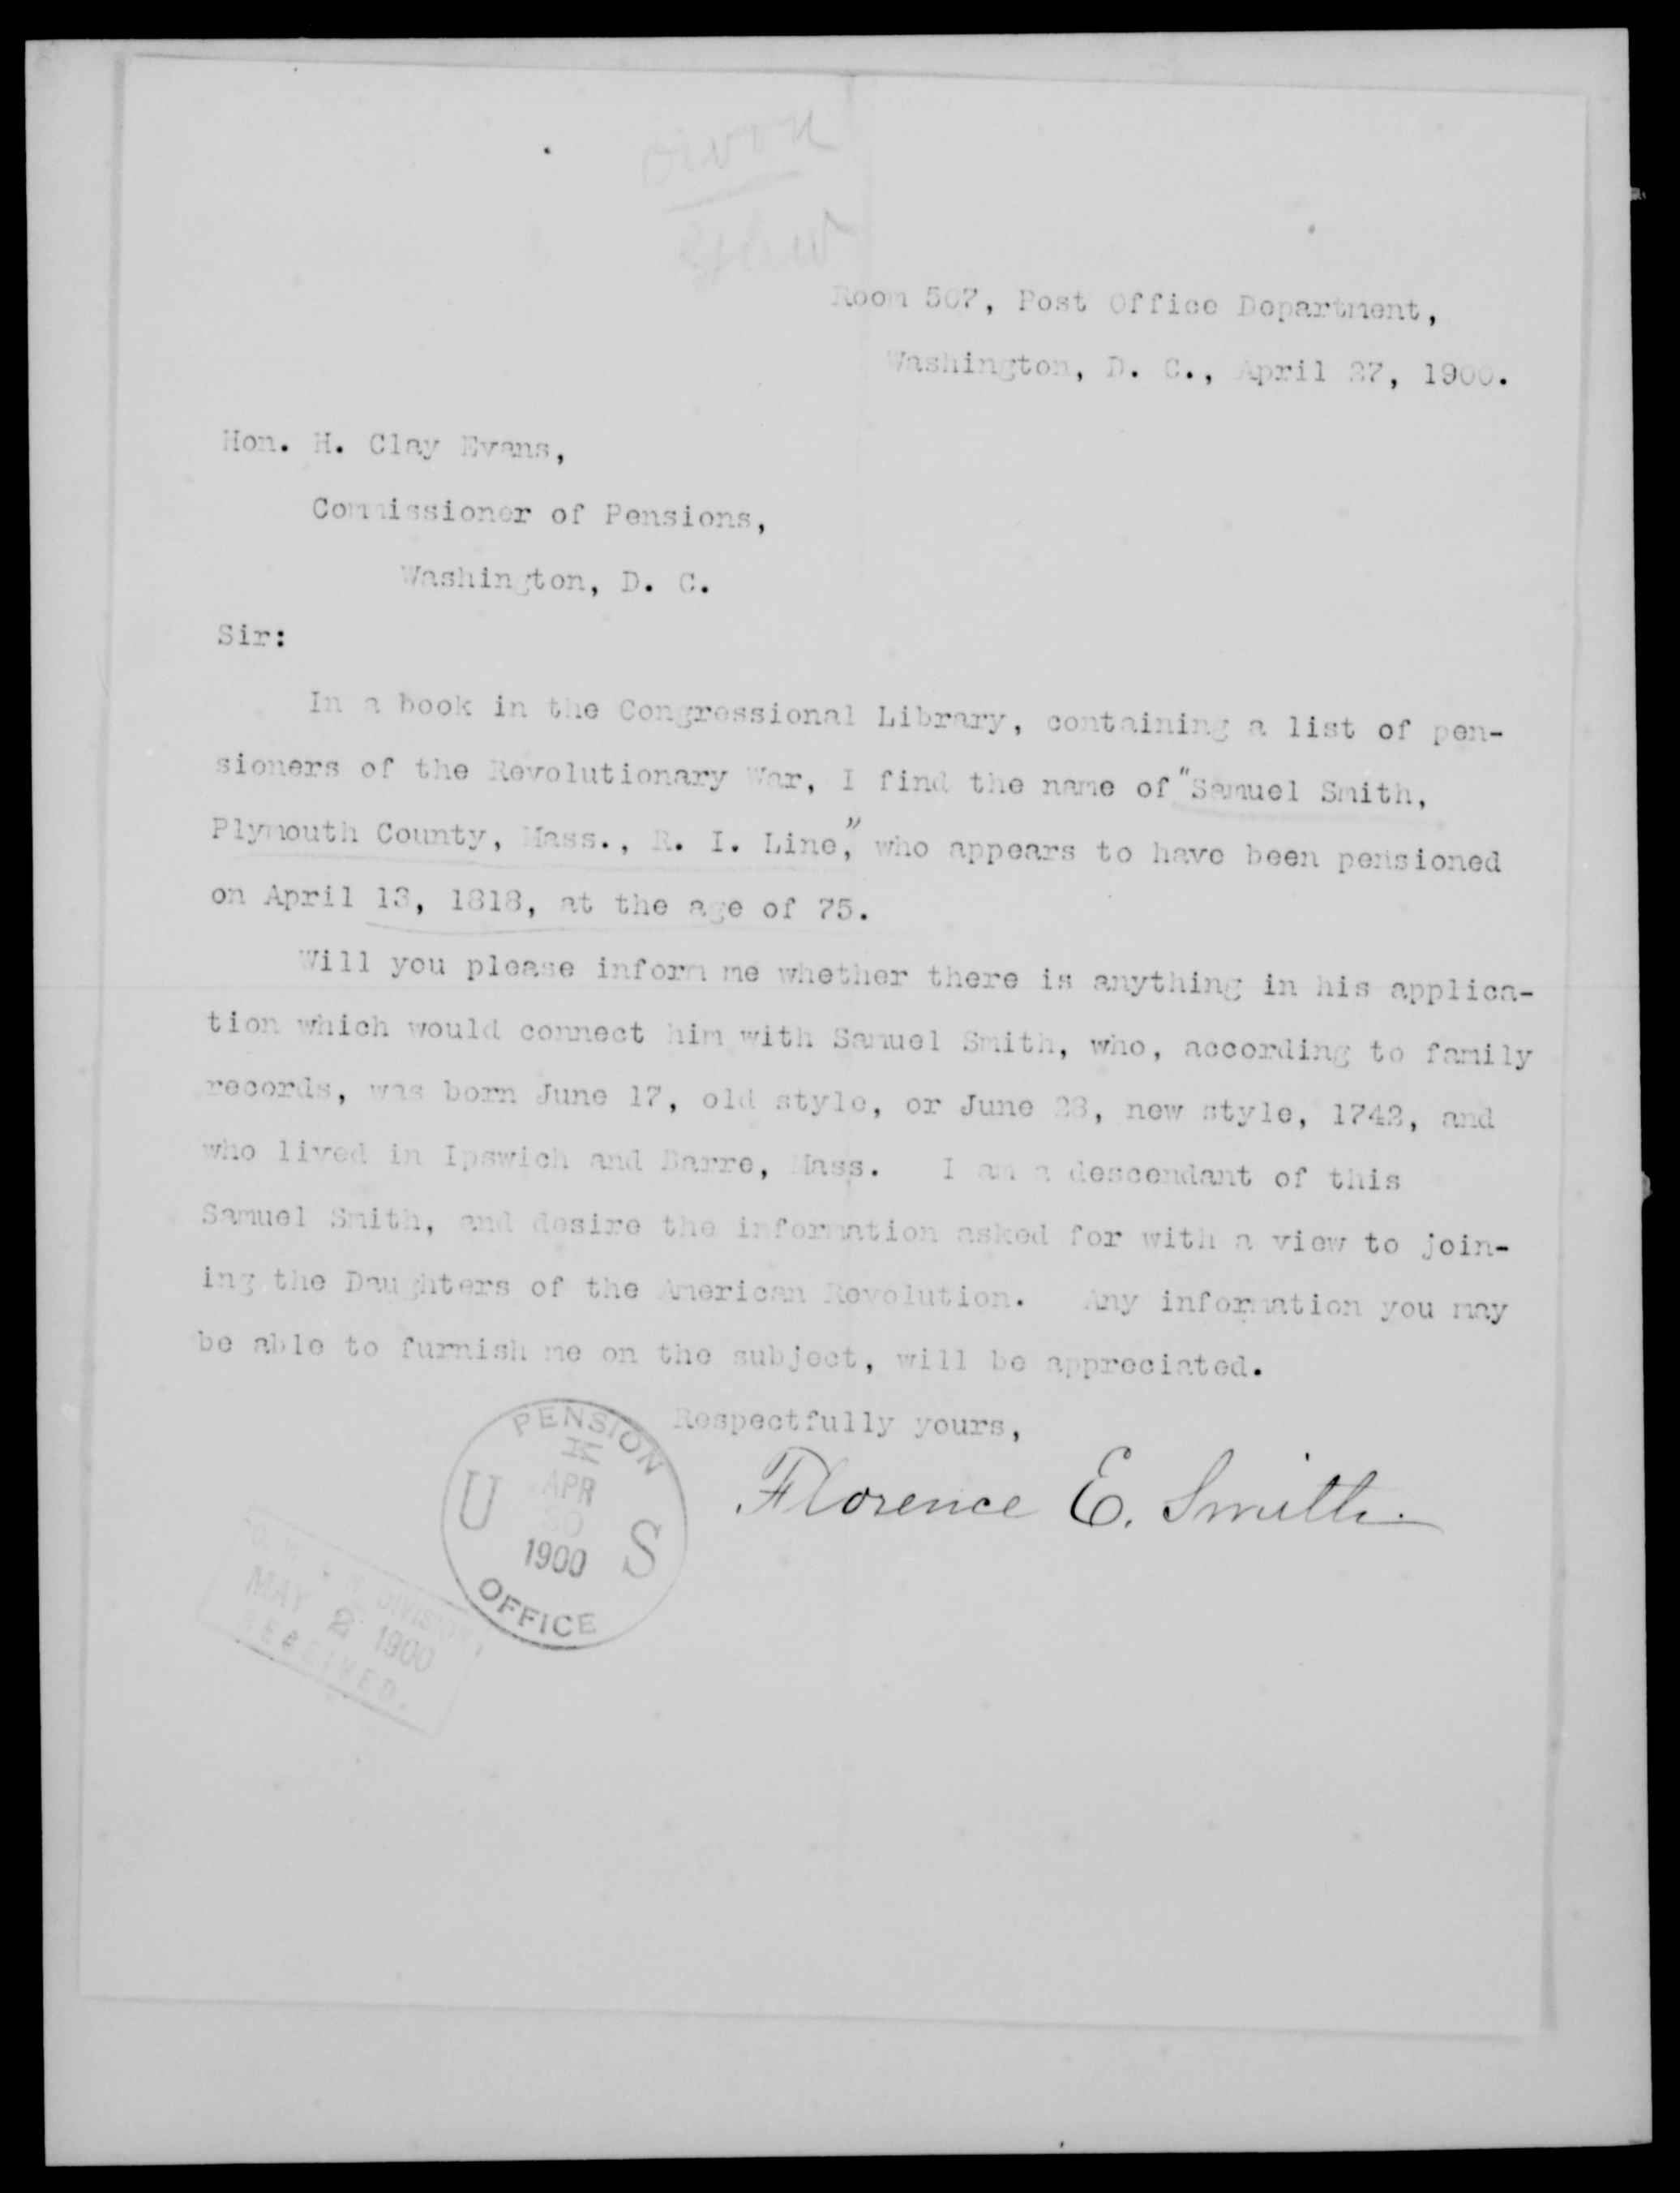Room 507, Post Office Department,
Washington, D.C. April 27, 1900

Hon. H. Clay Evans
Commissioner of Pensions
Washington, D.C.

Sir:
  In a book in the Congressional Library, containing a list of pensioners of the Revolutionary War, I find the name of "Samuel Smith, Plymouth County, Mass. R.I. Line" who appears to have been pensioned on April 13, 1818, at the age of 75.
  Will you please inform me whether here is  anything in his application which would connect him to Samuel Smith, who, according to family records, was born June 17, old style, or June 23, new style, 1742, and who lived in Ipswich and Barre. Mass.  I was descendant of this Samuel Smith, and desire the information asked for with a view of joining the Daughters of the Revolution.  Any information you may be able to furnish me on the subject, will be appreciated.
Respectfully yours,
Florence E. Smith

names: H Clay Evans; Florence E Smith; Samuel Smith; Samuel Smith; Samuel Smith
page: 10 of 14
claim: survivor's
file: S. 34,487, for Samuel Smith, Rhode Island